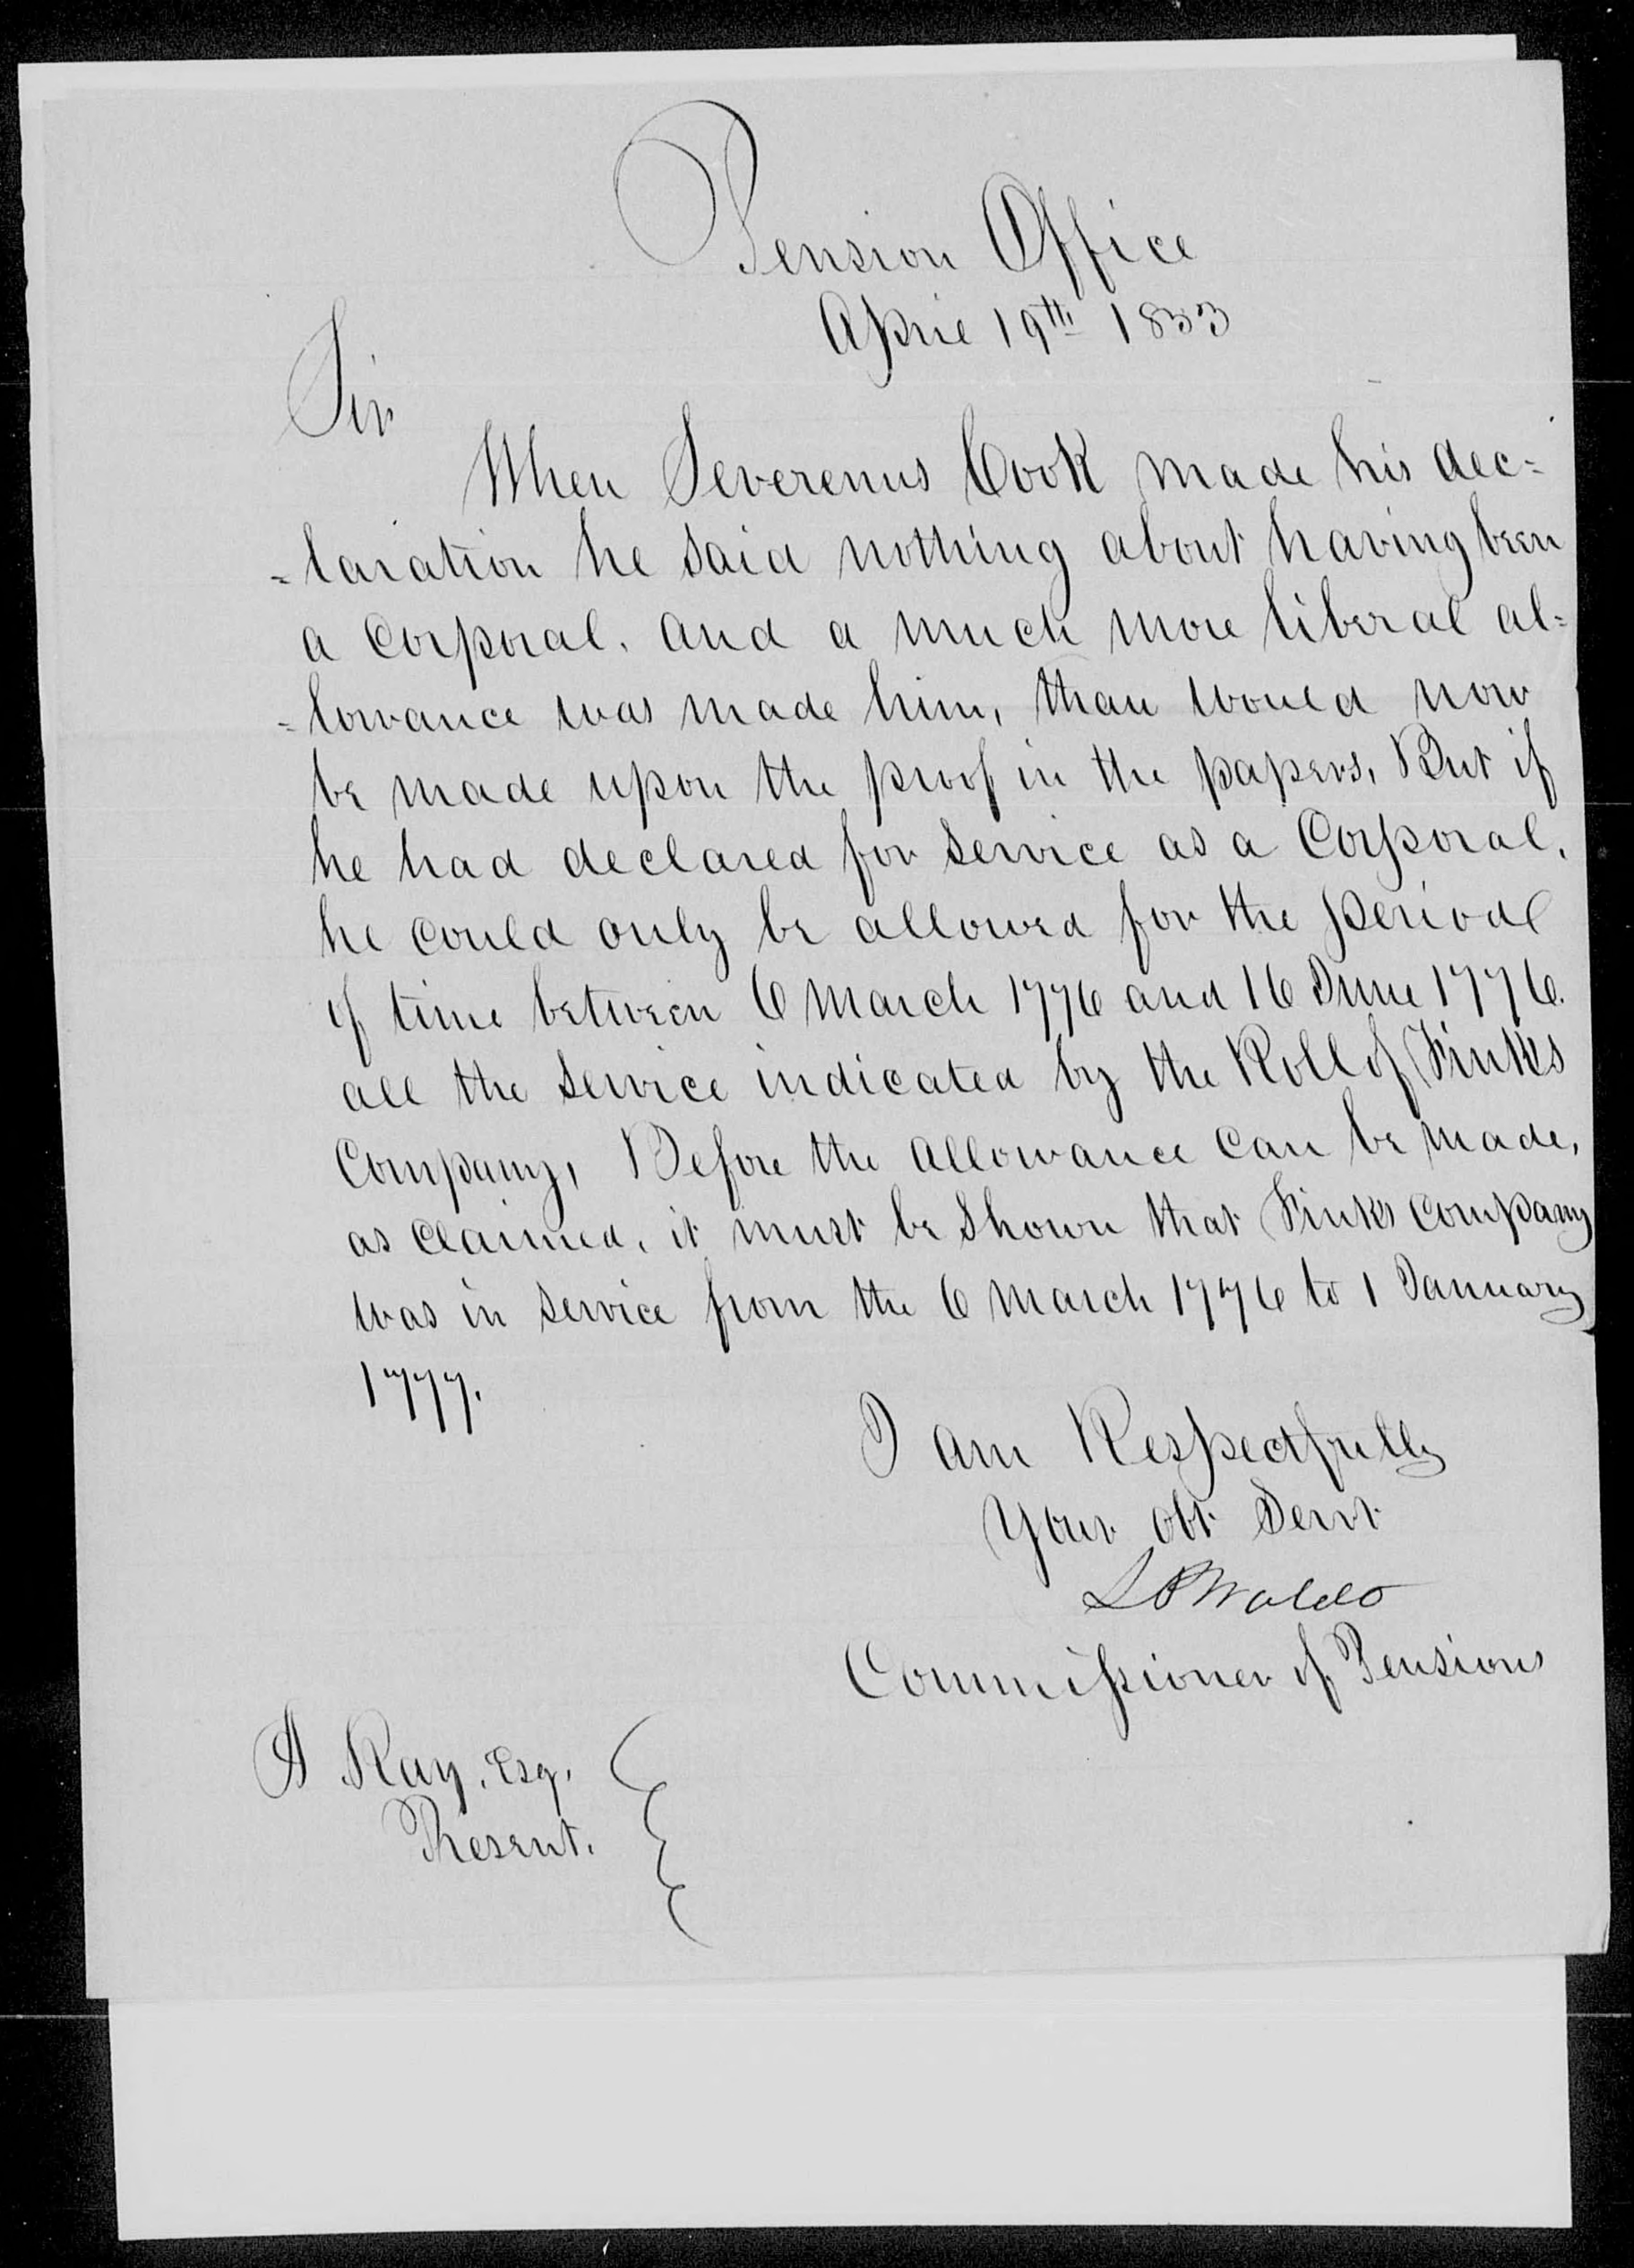Pension Office
April 19 1853

Sir

When Severinus Cook made his declaration he said nothing about having been a Corporal, and a much more liberal allowance was made him, that would now be made upon the proof in the papers. But if he had declared for service as a Corporal, he could only be allowed for the period
of time between 6 March 1776 and 16 June 1776. All the service indicated by the Roll of Finks Company. Before the allowance can be made, as claimed, it must be shown that Finks Company
was in service from the March 1776 to 1 January
1777.

I am Respectfully
Your obt Servt
LP Waldo
Commissioner of Pensions

A Ray, Esq
Resrnt }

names: L P Waldo, A Ray, Severenus Cook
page: 39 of 51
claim: survivor's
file: S. 12563, Severinus Cook, New York